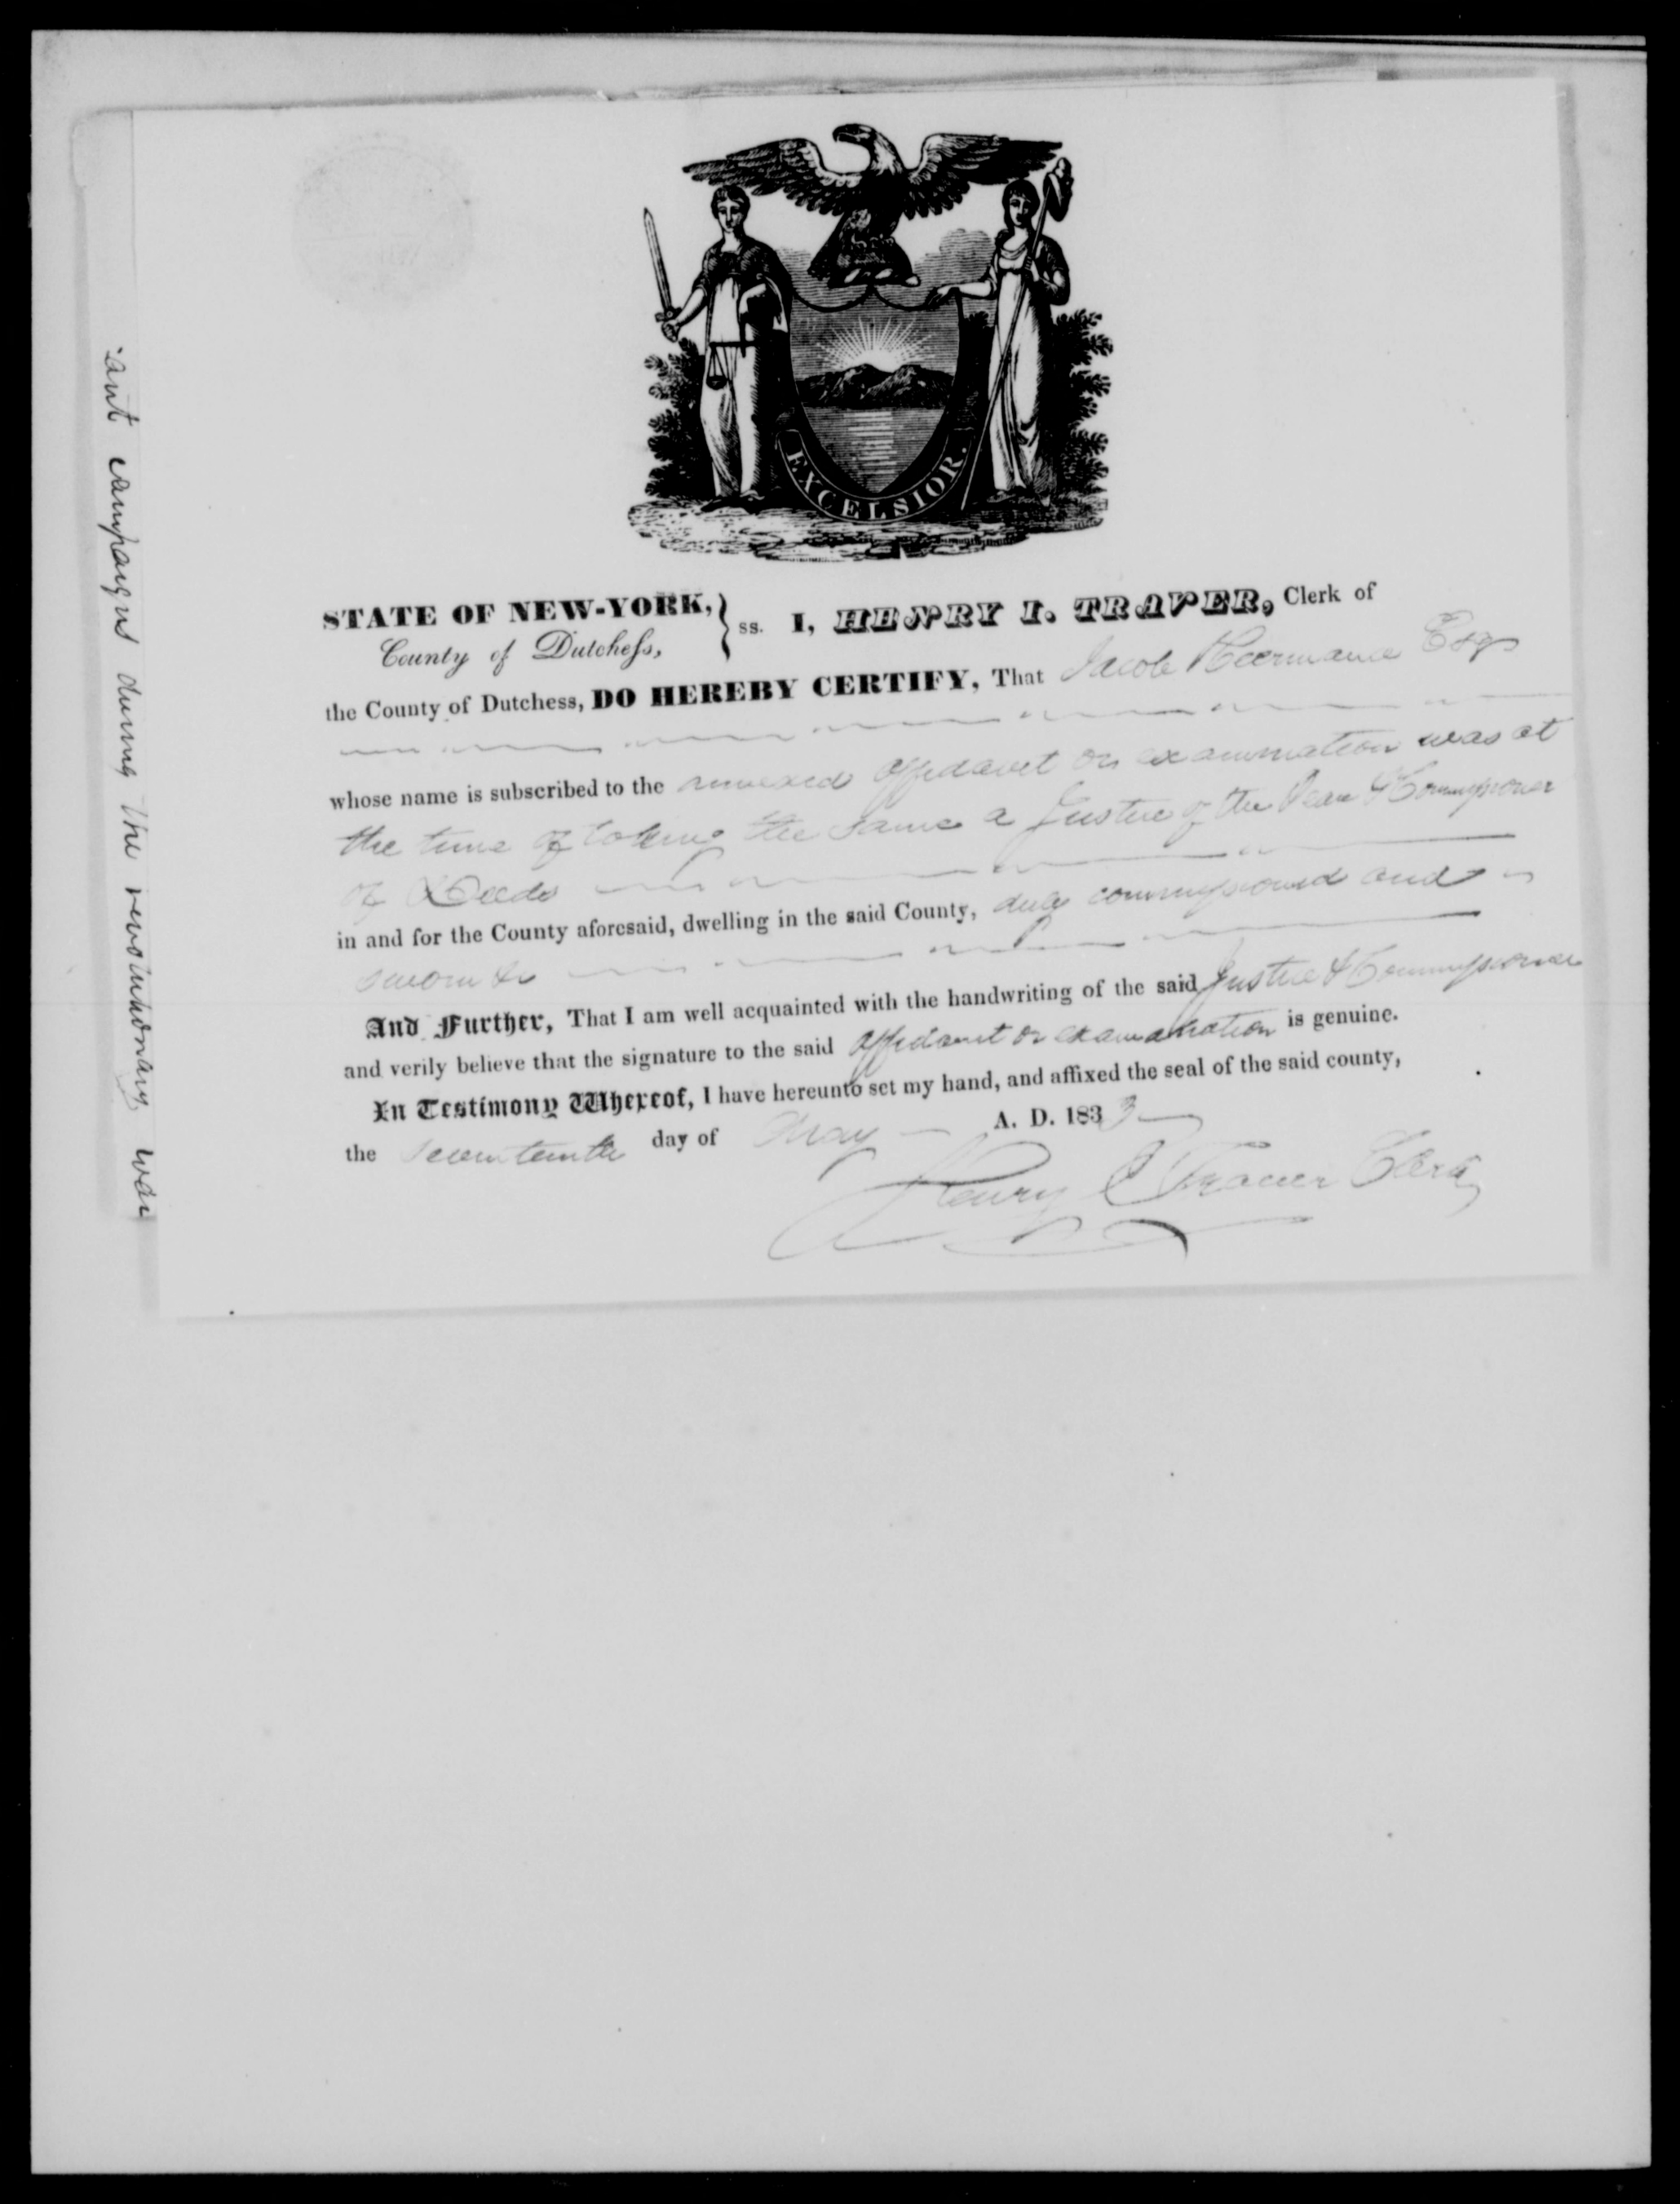State of New-York
County of Dutchess,}ss
I, Henry I. Traver, Clerk of the County of Dutchess, Do Hereby Certify, that Jacob Hermance Esq whose name is subscribed to the annexed affidavit on examination was at the time of taking the same a Justice of the Peace and Commissioner of Deeds in and for the County aforesaid, dwelling in the said County, duly commissioned and sworn to--
And Further, That I am well acquainted with the handwriting of the said Justice & Commissioner and verily believe that the signature to the said affidavit on examination is genuine.  In Testimony Whereof, I have hereunto set my hand, and affixed the seal of the said county, the seventeenth day of May A.D. 1833
Henry I. Traver  Clerk

[along left margin, possibly on an underlying document: ]

-ant campaigns during the revolutionary war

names: Jacob Heermance; Henry I Traver; Henry I Traver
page: 12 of 29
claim: survivor's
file: S. 11415, for Aldert Smedes, New York